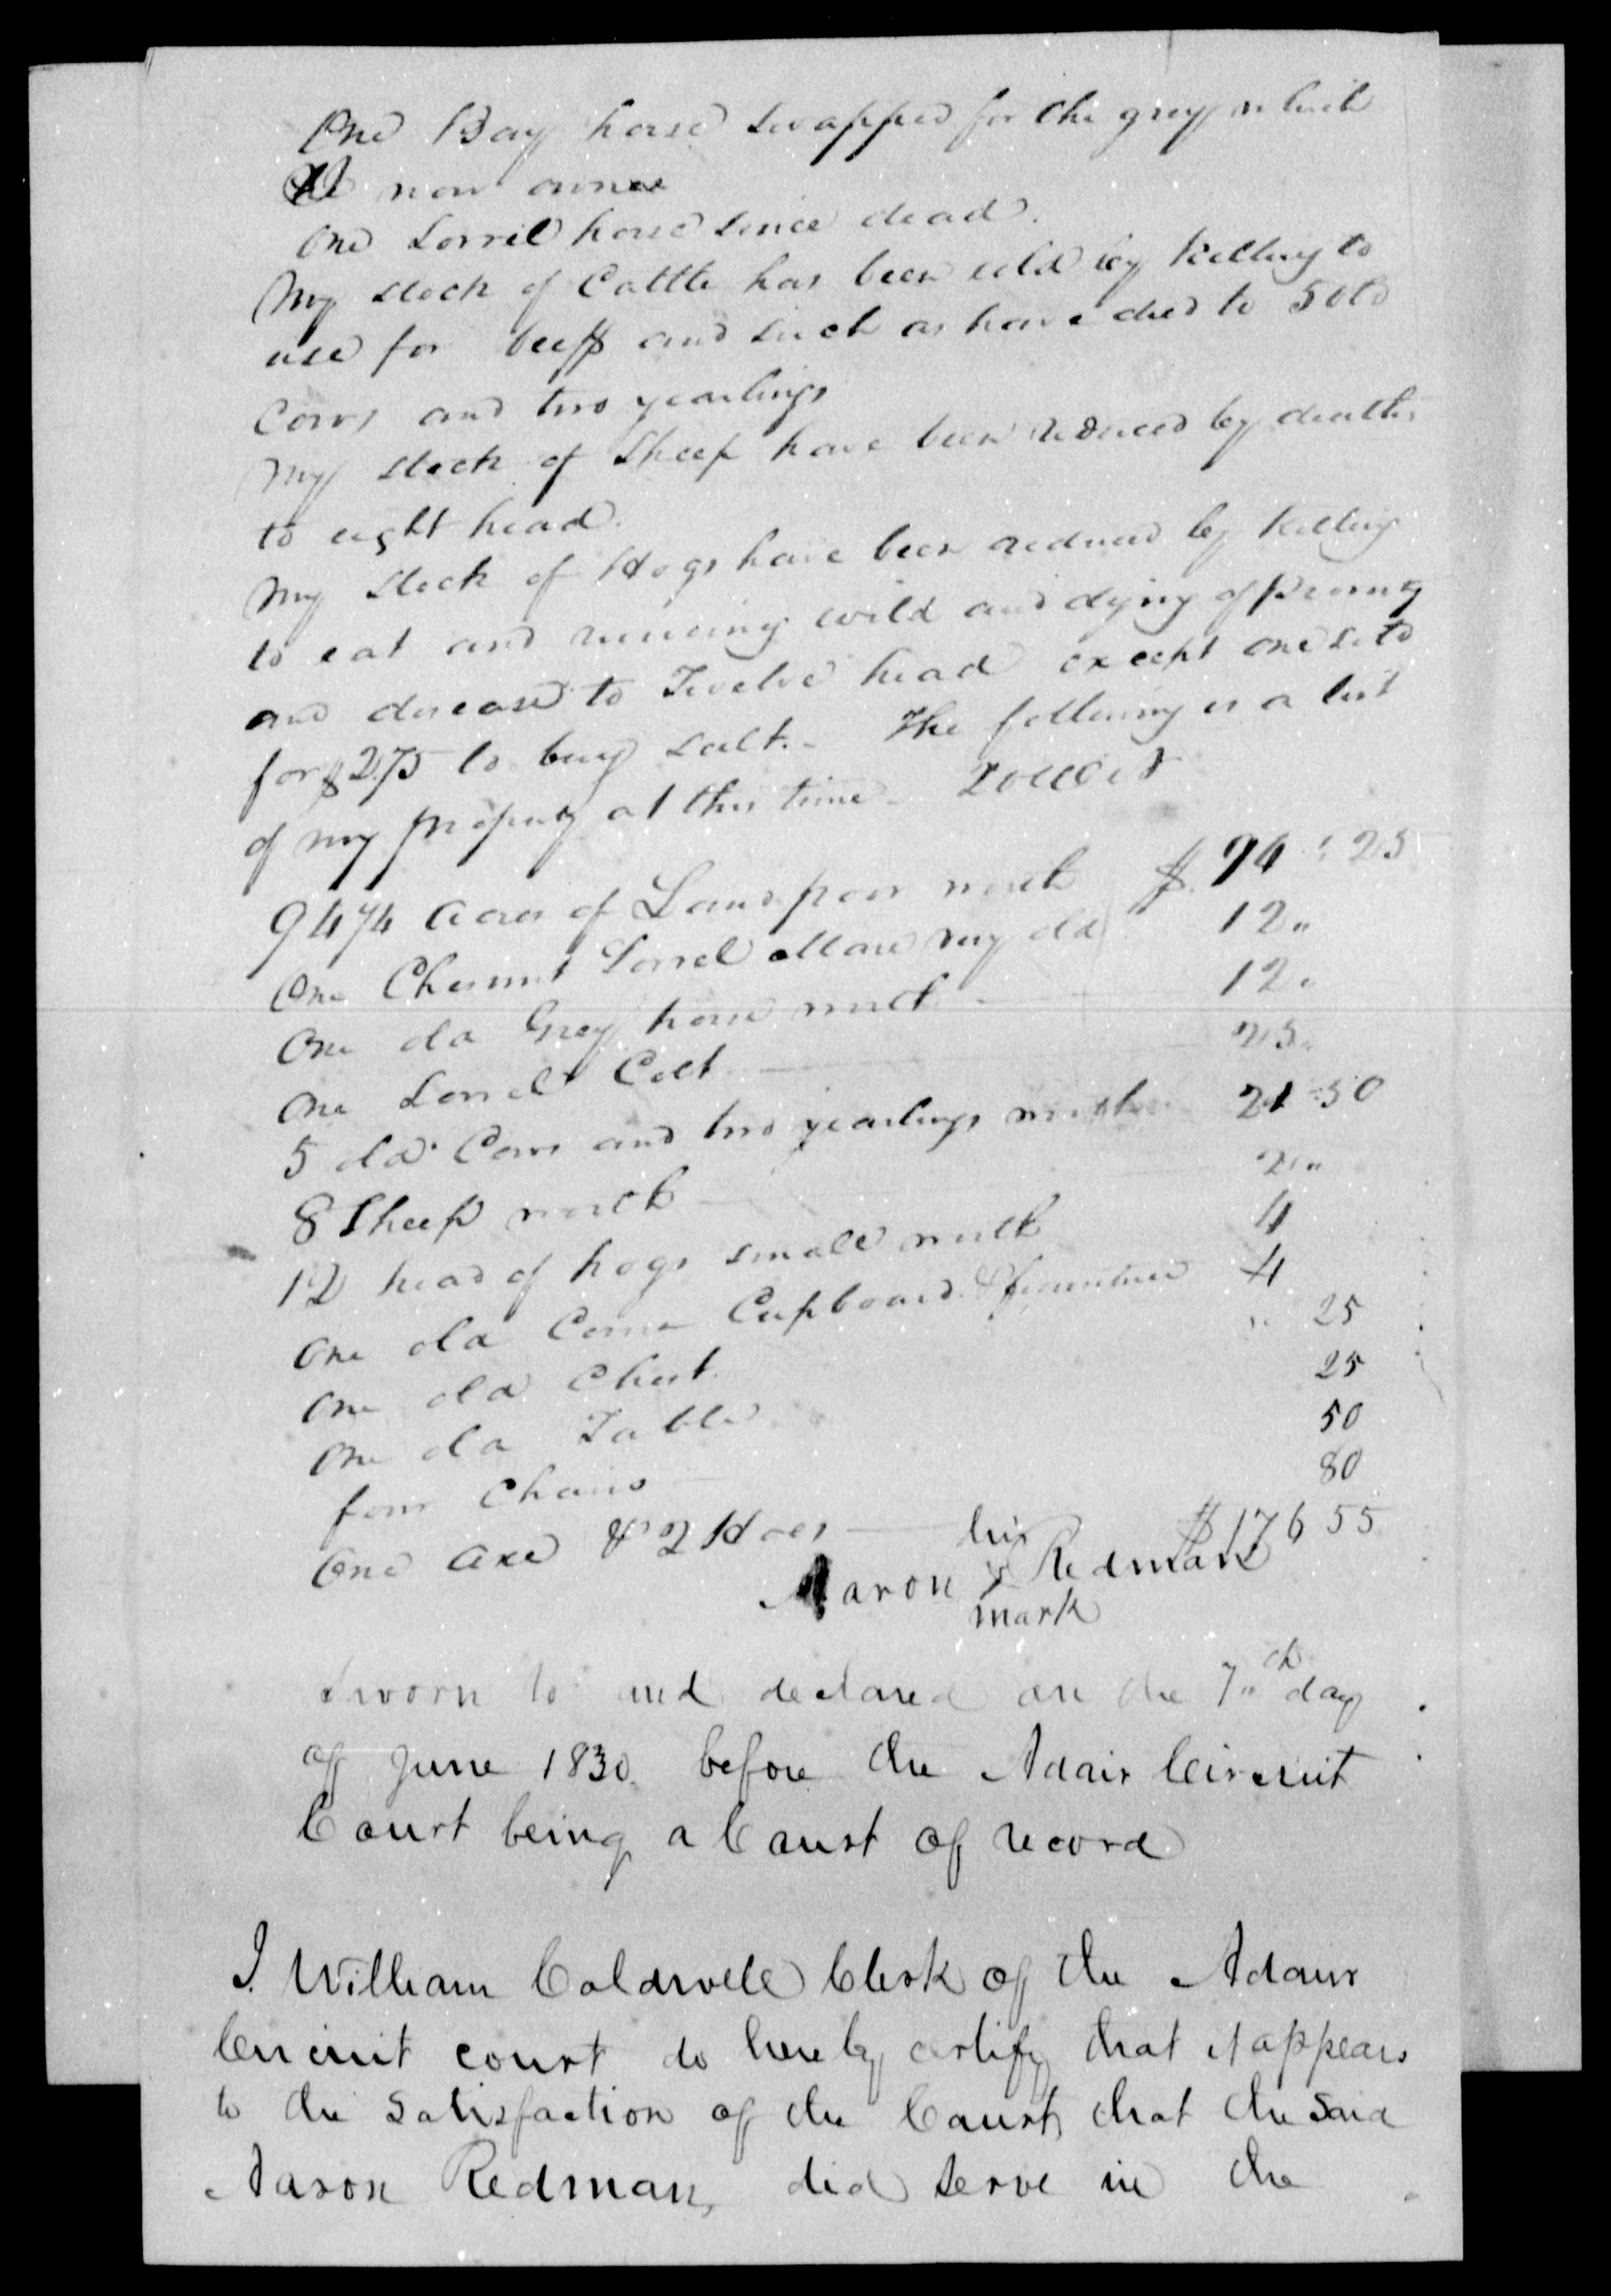One Bay horse swapped for the grey which I now own
One Sorrel horse since dead
My stock of Cattle has been sold by killing to use for beef and such as have died to 5 old Cows and two yearlings
My stock of Sheep have been reduced by death to eight head
My stock of Hogs have been reduced by killing to eat and receiving wild and dying of poverty and decease to Twelve head except one sold for $2.75 to being salt. - The following is a list of my property at the time - To Wit
94 1/4 Acres of Land poor worth $94.25
One Chestnut Sorrel all one my old 12,,
One old Grey horse worth 12,,
One Sorrel Colt 25,,
5 old Cows and two yearlings worth 21.50
8 Sheep worth 2,,
12 head of hogs small worth 4
One old Corner Cupboard & furniture 4
One old Chest .25
One old Table .25
four Chairs .50
One ax & 2 Hoes - .80
$176.55
Aaron Redman x his mark
Sworn to and declared on the 7th day of June 1830 before the Adair Circuit Court being a Court of record

I William Caldwell Clerk of the Adair Circuit court do hereby certify that it appears to the satisfaction of the Court, that the said Aaron Redman did serve in the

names: William Caldwell; Aaron Redman; Aaron Redman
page: 7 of 57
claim: widow's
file: W. 9,622, for Aaron Redman, Virginia